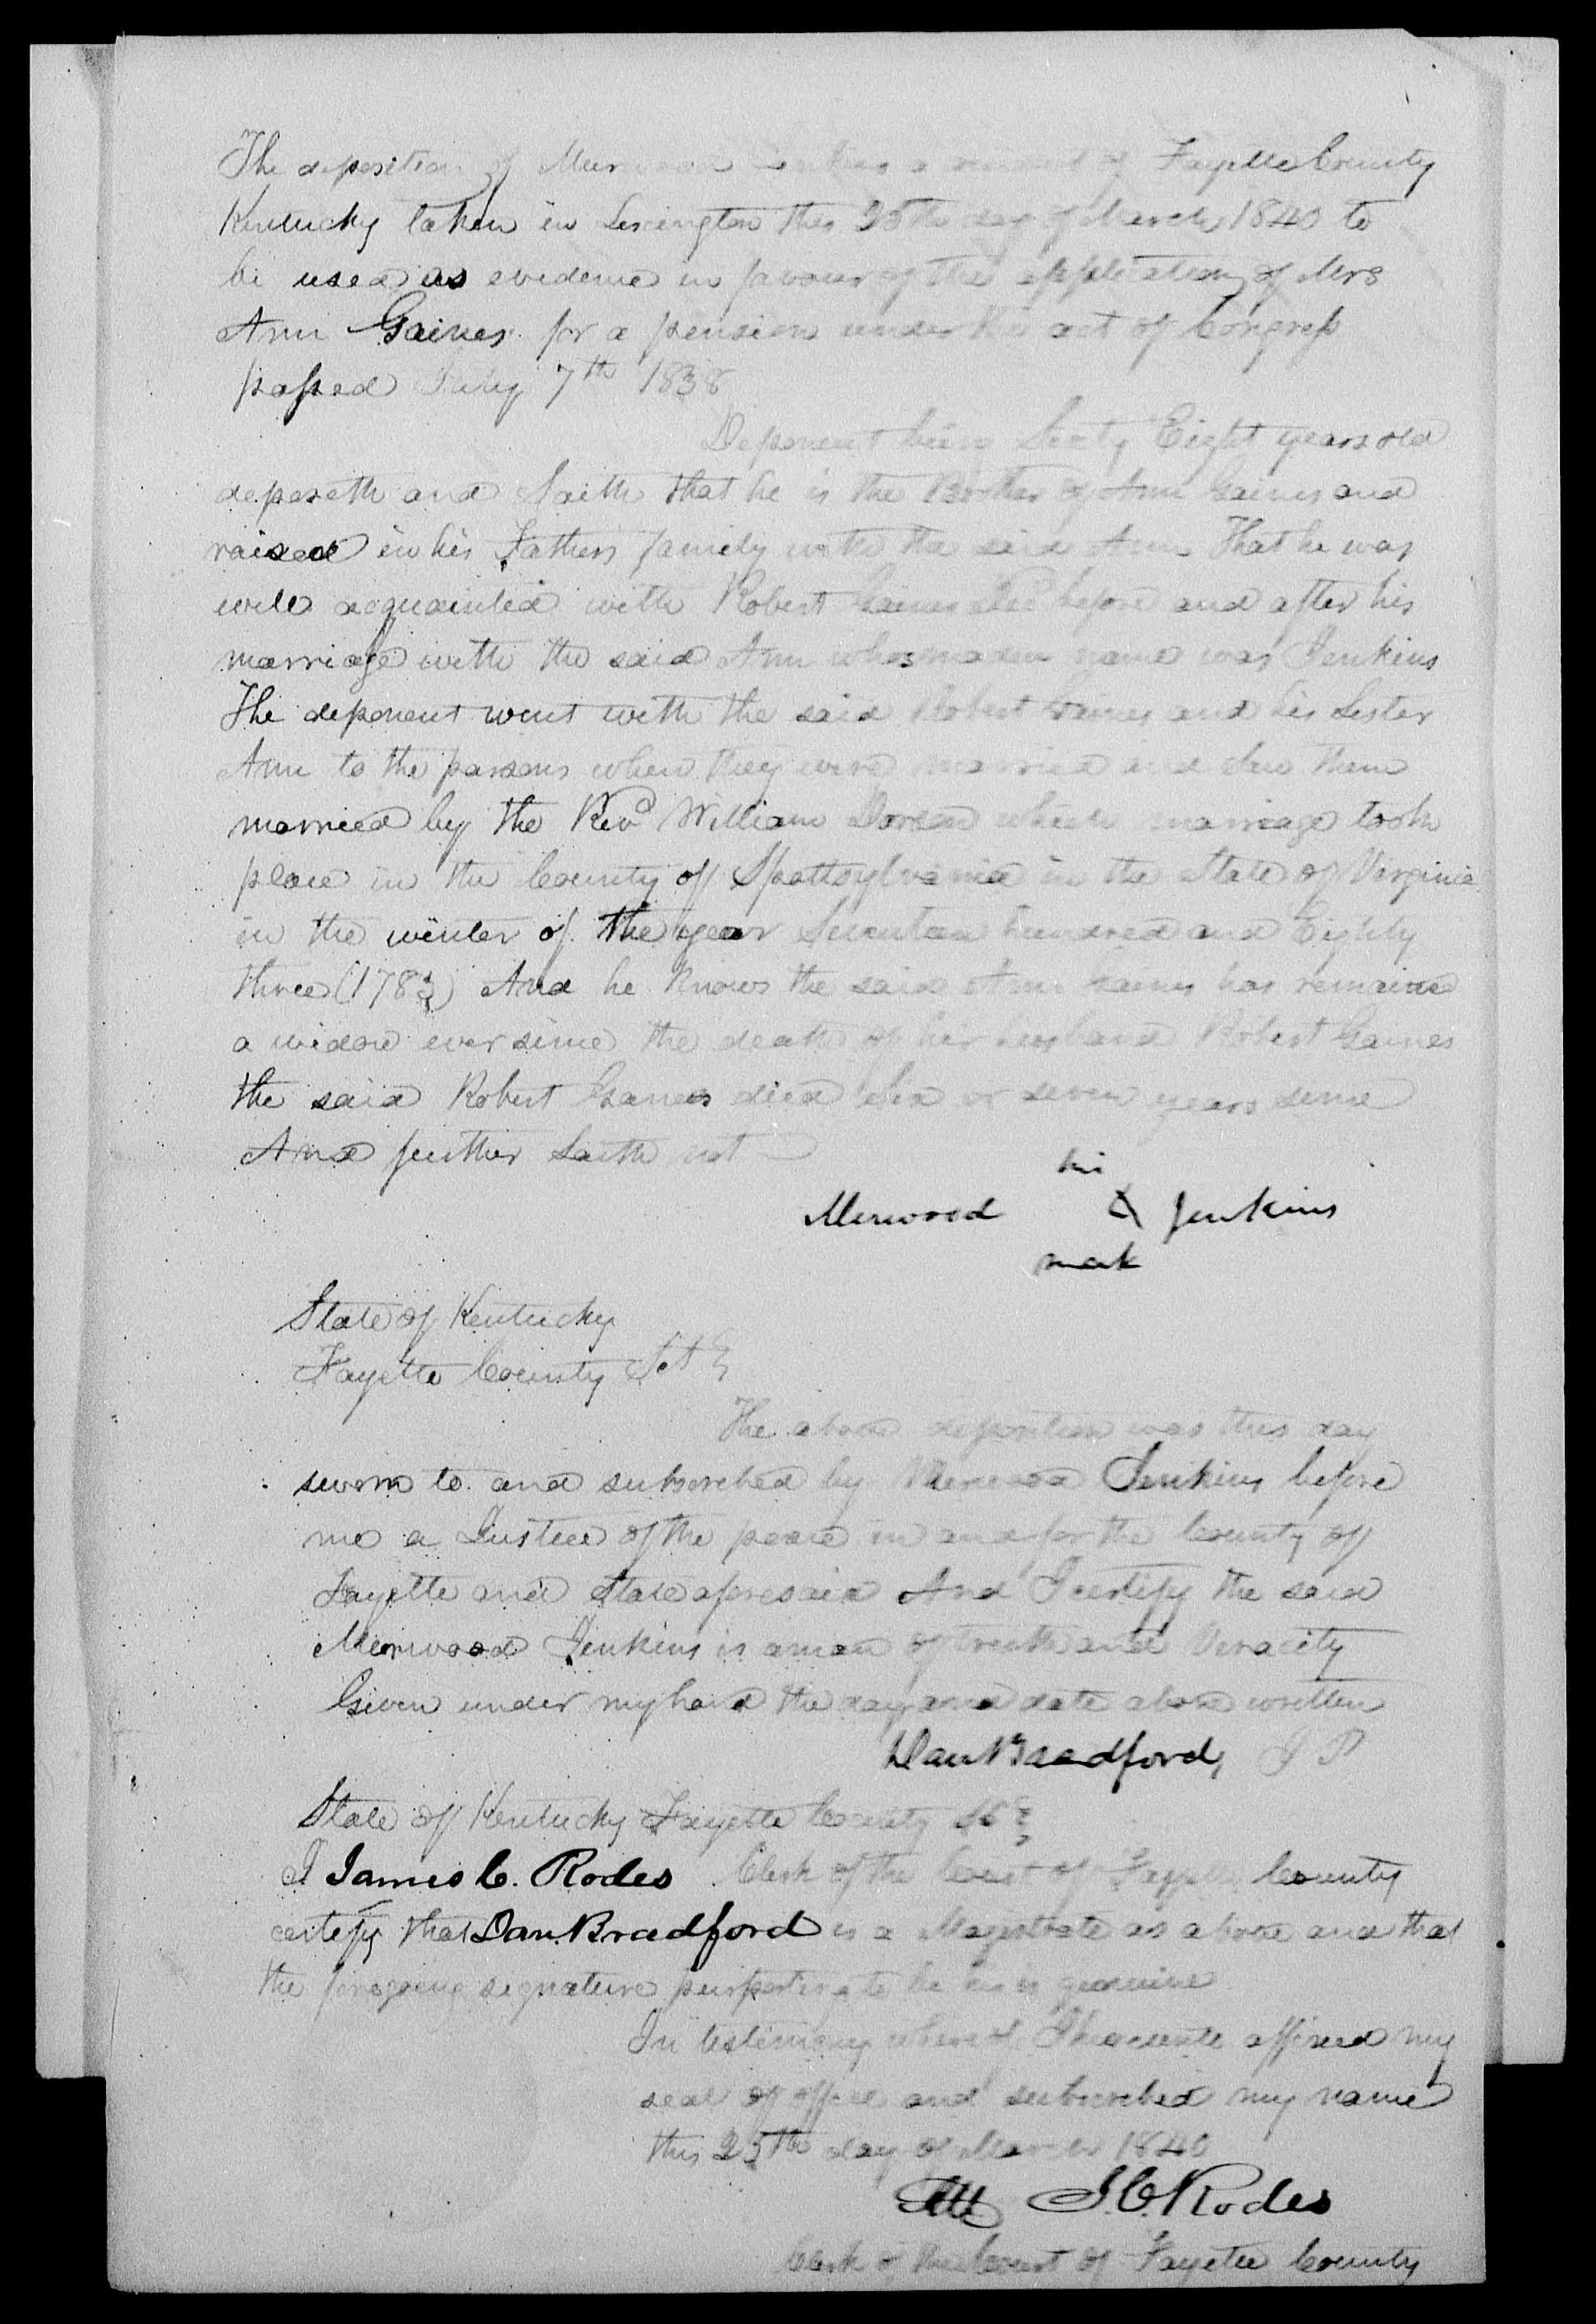The deposition of Merwood Jenkins a resident of Fayette County
Kentucky taken in Lexington this 25th March 1840 to
be used as evidence in favour of the application of Mrs
Ann Gaines for a pension under the act of Congress
passed July 7th 1838
Deponent being Sixty Eight years old
deposeth and Saith that he is the Brother of Ann Gaines and
raised in his fathers family with the said Ann, That he was
well acquainted with Robert Gaines Dec'd before and after his
marriage with the said Ann whose maiden name was Jenkins
The deponent went with the said Robert Gaines and his Sister
Ann to the parsons when they were married and saw them
married by the Rev'd William Dovled [?] which marriage took
place in the County of Spottsylvania in the State of Virginia
in the winter of the year Seventeen hundred and Eighty
three (1783) And he knows the said Ann Gaines has remained
a widow ever since the death of her husband Robert Gaines
the said Robert Gaines died six or seven years since
And further saith not
Merwood his x mark Jenkins

State of Kentucky
Fayette County Sct
The above deposition was this day
sworn to and subscribed by Merwood Jenkins before
me a Justice of the peace in and for the County of
Fayette and State aforesaid And I certify the said
Merwood Jenkins is a man of truth and veracity
Given under my hand the day and date above written
Dan Bradford, J P

State of Kentucky Fayette County Sct
I James C. Rodes Clerk of the Court of Fayette County
certify that Dan Bradford is a Magistrate as above and that 
the foregoing signature purporting to be his is genuine
In testimony whereof I hereunto affixed my
seal of office and subscribed my name
this 25th day of June 1840
J. C. Rodes
Clark the Court of Fayette County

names: Robert Gaines, J C Rodes, Merwood Jenkins, Robert Gaines, Ann Gaines, Ann, Dan Bradford, Robert Gaines, Merwood Jenkins, Jenkins, Ann, William, Ann, Ann Gaines, James C Rodes, Dan Bradford, Ann Gaines, Robert Gaines, Merwood Jenkins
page: 21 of 79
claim: rejected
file: R. 3863, Robert Gaines, Va.